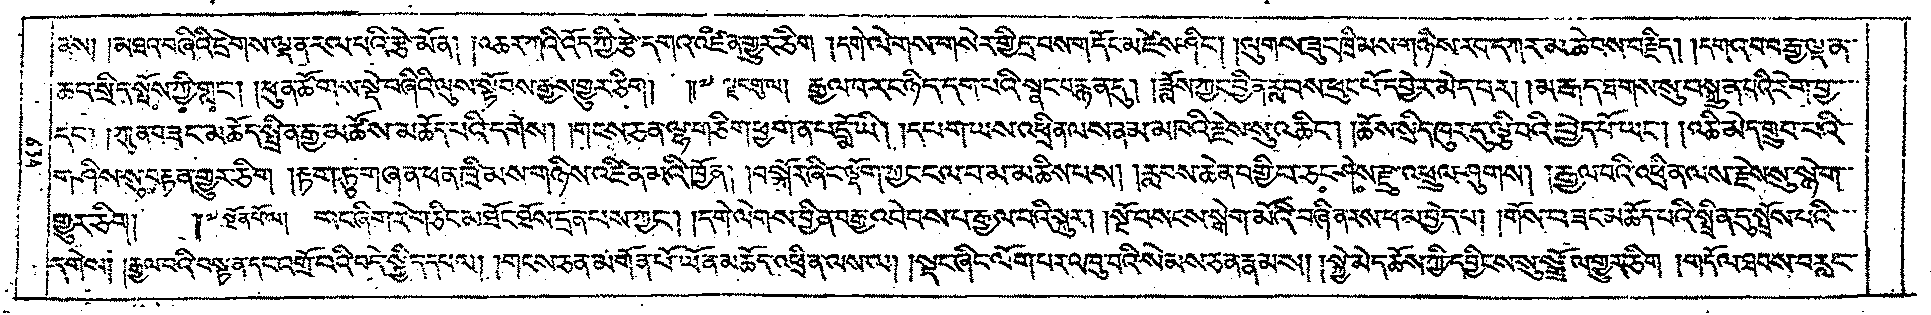ནས། །མཐའ་བཞིའི་དྲེགས་ལྡན་རལ་པའི་རྩེ་མོ་ན། །འཆར་ཀའི་འོད་ཀྱི་རྩེ་དགའ་འཛིན་གྱུར་ཅིག །དགེ་ལེགས་གསེར་གྱི་དྲ་བས་གདོང་མཛེས་ཤིང་། །ལུགས་ཟུང་ཁྲིམས་གཉིས་རབ་དཀར་མཆེ་བས་བརྗིད། །དགའ་བ་བརྒྱ་ལྡན་
ཆབ་སྲིད་སྤོས྾་ཀྱི྾་གླང་། །ཕུན་ཚོགས་སྡེ་བཞིའི་ལུས་སྟོབས་རྒྱས་གྱུར་ཅིག ། །།༧ལྗང་གུ་ལ།  རྒྱལ་བ་རང་ཉིད་དག་པའི་སྣང་བརྙན་དུ། །ཟློས་ཀྱང་བྱིན་རླབས་ཕུང་པོ་དབྱེར་མེད་པར། །མརྒད་ཐགས་སུ་བསྐྲུན་པའི་རེག་བྱ་
དང་། །ཀུན་བཟང་མཆོད་སྤྲིན་རྒྱ་མཚོས་མཆོད་པའི་དགེས། །གངས་ཅན་ལྷ་གཅིག་ཕྱག་ན་པདམོ་ཡི། །དཔག་ཡས་འཕྲིན་ལས་ནམ་མཁའི་རྗེས་སུ་འཆིང་། །ཆོས་སྲིད་ཁུར་དུ་ལྕི་བའི་བྱེད་པོ་ཡང་། །འཆི་མེད་གྲུབ་པའི་
གཤིས་སུ་བརྟན་གྱུར་ཅིག །རྟག་ཏུ་གཞན་ཕན་ཁྲིམས་གཉིས་འཛིན་མའི་ཁྱོན། །བསྐོར་ཞིང་ལྡོག་ཀྱང་ངལ་བ་མ་མཆིས་པས། །རླབས་ཆེན་བགྱི་བ་ཅང྾་ཤེས྾་རྫུ་འཕྲུལ་ཤུགས། །རྒྱལ་བའི་འཕྲིན་ལས་རྗེས་སུ་སྙེག་
གྱུར་ཅིག ། །།༧སྔོན་པོ་ལ།  གང་ཞིག་རེག་ཅིང་མཐོང་ཐོས་དྲན་པས་ཀྱང་། །དགེ་ལེགས་བྱིན་བརྒྱ་འབེབས་པ་རྒྱལ་བའི་སྐུར། །སྔོ་བསངས་སྒེག་མོའི་བཞིན་རས་ཕམ་བྱེད་པ། །གོས་བཟང་མཆོད་པའི་སྤྲིན་དུ་སྤྲོས་པའི་
དགེས། །རྒྱལ་བའི་བསྟན་དང་འགྲོ་བའི་བདེ་སྐྱིད་དཔལ། །གངས་ཅན་མགོན་པོ་ཡོན་མཆོད་འཕྲིན་ལས་ལ། །སྡང་ཞིང་ལོག་པར་འཁུ་བའི་སེམས་ཅན་རྣམས། །སྐྱེ་མེད་ཆོས་ཀྱི་དབྱིངས་སུ་སྒྲོལ་གྱུར་ཅིག །གདོལ་ཐབས་བརླང་